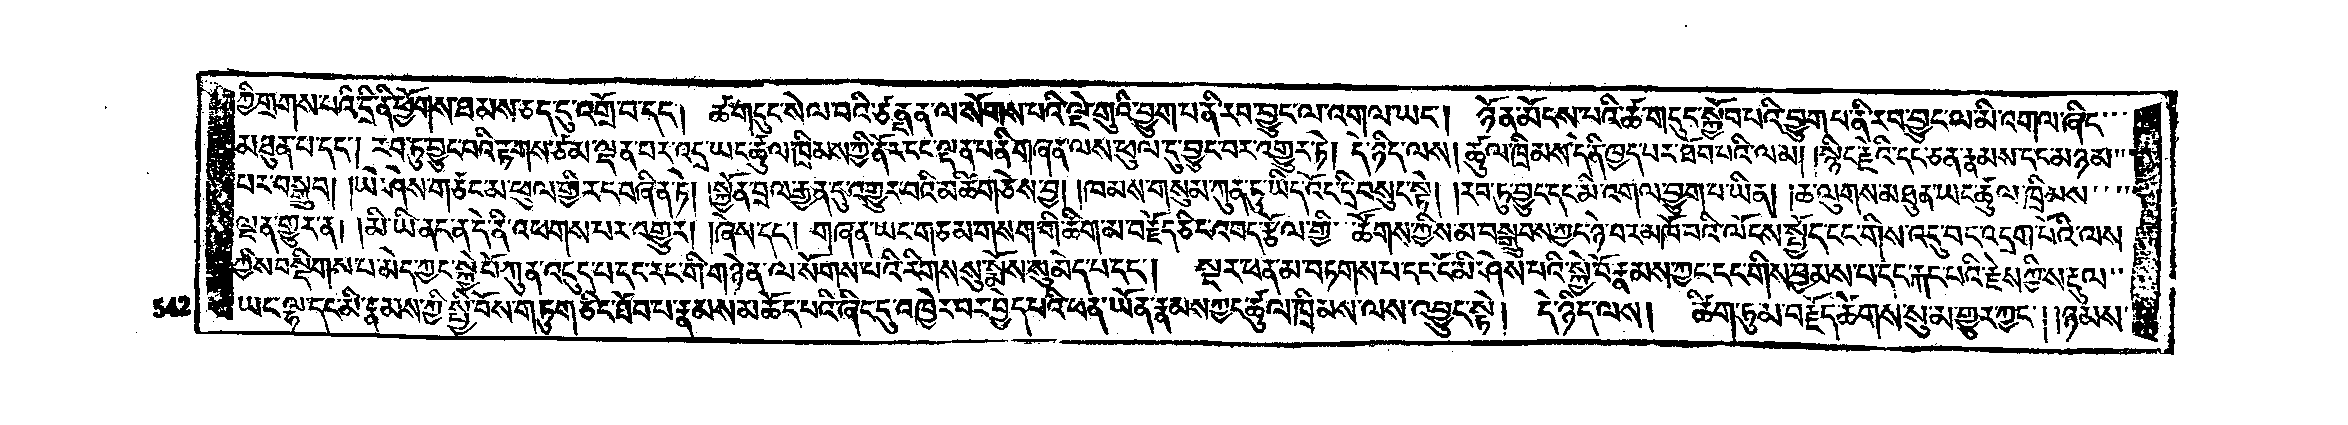ཀྱི་གྲགས་པའི་དྲི་ནི་ཕྱོགས་ཐམས་ཅད་དུ་འགྲོ་བ་དང་། ཚ་གདུང་སེལ་བའི་ཙནྡན་ལ་སོགས་པའི་ལྡེ་གུའི་བྱུག་པ་ནི་རབ་བྱུང་ལ་འགལ་ཡང་། ཉོན་མོངས་པའི་ཚ་གདུད་སྐྱོབ་པའི་བྱུག་པ་ནི་རབ་བྱུང་ལ་མི་འགལ་ཞིང་
མཐུན་པ་དང་། རབ་ཏུ་བྱུང་བའི་རྟགས་ཙམ་ལྡན་པར་འདྲ་ཡང་ཚུལ་ཁྲིམས་ཀྱི་ནོར་དང་ལྡན་པ་ནི་གཞན་ལས་ཕུལ་དུ་བྱུང་བར་འགྱུར་ཏེ། དེ་ཉིད་ལས། ཚུལ་ཁྲིམས་དེ་ནི་ཁྱད་པར་ཐོབ་པའི་ལམ། །སྙིང་རྗེའི་ངང་ཅན་རྣམས་དང་མཉམ་
པར་བསྒྲུབ། །ཡེ་ཤེས་གཙང་མ་ཕུལ་གྱི་རང་བཞིན་ཏེ། །སྐྱོན་བྲལ་རྒྱན་དུ་འགྱུར་བའི་མཆོག་ཅེས་བྱ། །ཁམས་གསུམ་ཀུན་ཏུ་ཡིད་འོང་དྲི་བསུང་སྟེ། །རབ་ཏུ་བྱུང་དང་མི་འགལ་བྱུག་པ་ཡིན། །ཆ་ལུགས་མཐུན་ཡང་ཚུལ་ཁྲིམས་
ལྡན་གྱུར་ན། །མི་ཡི་ནང་ན་དེ་ནི་འཕགས་པར་འགྱུར། །ཞེས་དང་། གཞན་ཡང་གཅམ་གསག་གི་ཚིག་མ་བརྗོད་ཅིང་འབད་རྩོལ་གྱིས་ཚེགས་ཀྱིས་མ་བསྒྲུབས་ཀྱང་ཉེ་བར་མཁོ་བའི་ལོངས་སྤྱོད་ངང་གིས་འདུ་བ་དང་དྲག་པོའི་ལས་
ཀྱིས་བསྡིགས་པ་མེད་ཀྱང་སྐྱེ་བོ་ཀུན་འདུད་པ་དང་རང་གི་གཉེན་ལ་སོགས་པའི་རིགས་སུ་སྨོས་སུ་མེད་པ་དང་། སྔར་ཕན་མ་བཏགས་པ་དང་ངོ་མི་ཤེས་པའི་སྐྱེ་བོ་རྣམས་ཀྱང་ངང་གིས་བྱམས་པ་དང་རྐང་པའི་རྗེས་ཀྱི་ས་རྡུལ་
ཡང་ལྷ་དང་མི་རྣམས་ཀྱི་སྤྱི་བོས་གཏུག་ཅིང་ཐོབ་པ་རྣམས་མཆོད་པའི་ཞིང་དུ་འཁྱེར་བར་བྱེད་པའི་ཕན་ཡོན་རྣམས་ཀྱང་ཚུལ་ཁྲིམས་ལས་འབྱུང་སྟེ། དེ་ཉིད་ལས། ཚིག་ཏུ་མ་བརྗོད་ཚེགས་སུ་མ་གྱུར་ཀྱང་། །ཉམས་